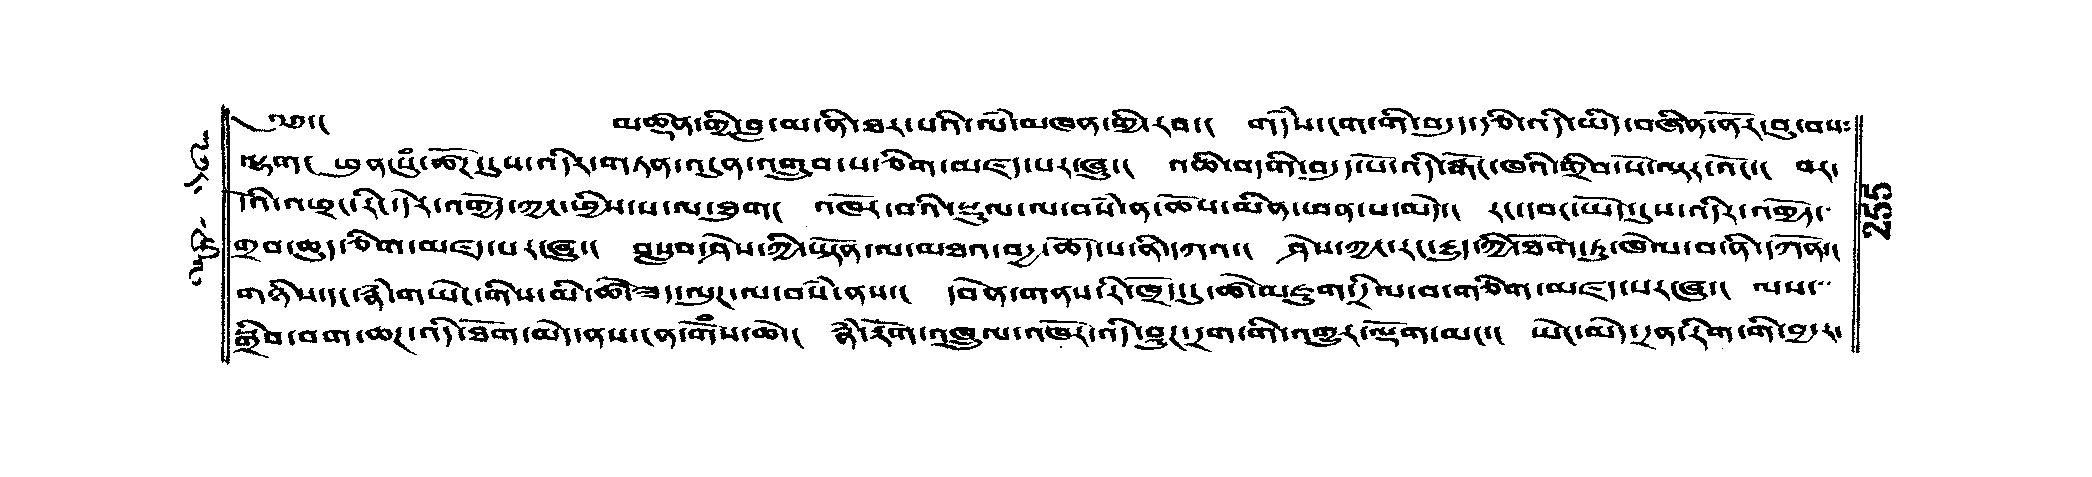མཚན་ལྡན་གྱི་བླ་མ་ནི་ཐར་པའི་ལམ་མཁན་གྱི་རབ། །གདམས་ངག་གི་བདུད་རྩི་འདི་ཡིད་བཞིན་ནོར་བུ་བས་
ལྷག །ཕུན་སུམ་ཚོགས་དུས་འདིར་གཏན་འདུན་འགྲུབ་པ་ཅིག་མཛད་པར་ཞུ། །འཆི་བདག་གི་བདུད་པོ་འདི་དོག་ཁའི་གྲིབ་སོ་ལྟར་འོང་། །བར་
དོའི་འཕྲང་རིང་དེར་འགྱོད་ཀྱང་འཆི་བ་ལ་ཐུག །འཁོར་བའི་སྡུག་བསྔལ་ལ་བསམ་ན་ཆོས་མིན་ཕན་པ་མེད། །རང་དབང་ཡོད་དུས་འདིར་མི་འགྱོད་
གྲབ་ཆུད་ཅིག་མཛད་པར་ཞུ། །བསླབ་ཤེས་ཀྱི་ཡོན་ཏན་ལ་མཐའ་རྒྱ་ཆོད་པ་ནི་དཀའ། །ཤེས་ཀྱང་རང་རྒྱུད་ཀྱི་ཐོག་ཏུ་ཁེལ་བ་ནི་དཀོན། །
གཉིད་དང་རྣམ་གཡེང་གིས་མི་ཚེ་ཟད་ལུགས་ལ་བསམ་ནས། །དབེན་གནས་རི་ཁྲོད་དུ་ཚེ་མཇུག་དྲིལ་བ་གཅིག་མཛད་པར་ཞུ། །ལས་
སྒྲིབ་བག་ཆགས་འདི་ཐོག་མེད་ནས་ངན་གོམས་ཆེ། །རྣམ་རྟོག་འཁྲུལ་འཁོར་འདི་ཤུགས་དྲག་གི་འགྱུར་ལྡོག་མང་། །ཡེངས་མེད་དྲན་རིག་གི་བྱ་ར་